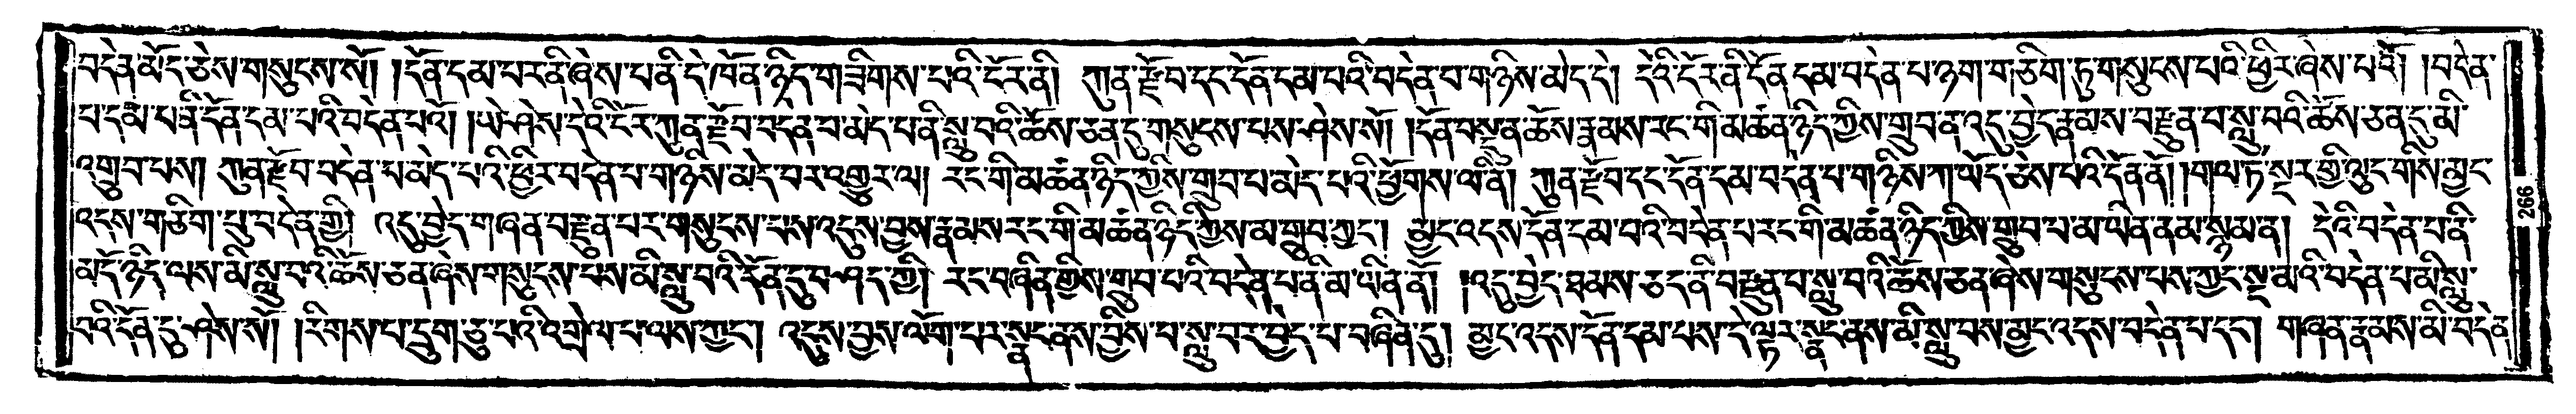བདེན་མོད་ཅེས་གསུངས་སོ། །དོན་དམ་པར་ནི་ཞེས་པ་ནི་དེ་ཁོ་ན་ཉིད་གཟིགས་པའི་ངོར་ནི། ཀུན་རྫོབ་དང་དོན་དམ་པའི་བདེན་པ་གཉིས་མེད་དེ། དེའི་ངོར་ནི་དོན་དམ་བདེན་པ་ཉག་གཅིག་ཏུ་གསུངས་པའི་ཕྱིར་ཞེས་པའོ། །བདེན་
པ་དམ་པ་ནི་དོན་དམ་པའི་བདེན་པའོ། །ཡེ་ཤེས་དེའི་ངོར་ཀུན་རྫོབ་བདེན་པ་མེད་པ་ནི་སླུ་བའི་ཆོས་ཅན་དུ་གསུངས་པས་ཤེས་སོ། །དོན་བསྡུ་ན་ཆོས་རྣམས་རང་གི་མཚན་ཉིད་ཀྱིས་གྲུབ་ན་འདུ་བྱེད་རྣམས་བརྫུན་པ་སླུ་བའི་ཆོས་ཅན་དུ་མི་
འགྲུབ་པས། ཀུན་རྫོབ་བདེན་པ་མེད་པའི་ཕྱིར་བདེན་པ་གཉིས་མེད་པར་འགྱུར་ལ། རང་གི་མཚན་ཉིད་ཀྱིས་གྲུབ་པ་མེད་པའི་ཕྱོགས་ལ་ནི། ཀུན་རྫོབ་དང་དོན་དམ་བདེན་པ་གཉིས་ཀ་ཡོད་ཅེས་པའི་དོན་ནོ། །གལ་ཏེ་སྔར་གྱི་ལུང་གིས་མྱང་
འདས་གཅིག་པུ་བདེན་གྱི། འདུ་བྱེད་གཞན་བརྫུན་པར་གསུངས་པས་འདུས་བྱས་རྣམས་རང་གི་མཚན་ཉིད་ཀྱིས་མ་གྲུབ་ཀྱང་། མྱང་འདས་དོན་དམ་པའི་བདེན་པ་རང་གི་མཚན་ཉིད་ཀྱིས་གྲུབ་པ་མ་ཡིན་ནམ་སྙམ་ན། དེའི་བདེན་པ་ནི་
མདོ་ཉིད་ལས་མི་སླུ་བའི་ཆོས་ཅན་ཞེས་གསུངས་པས་མི་སླུ་བའི་དོན་དུ་བཤད་ཀྱི། རང་བཞིན་གྱིས་གྲུབ་པའི་བདེན་པ་ནི་མ་ཡིན་ན། །འདུ་བྱེད་ཐམས་ཅད་ནི་བརྫུན་པ་སླུ་བའི་ཆོས་ཅན་ཞེས་གསུངས་པས་ཀྱང་སྔ་མའི་བདེན་པ་མི་སླུ་
བའི་དོན་དུ་ཤེས་སོ། །རིགས་པ་དྲུག་ཅུ་པའི་འགྲེལ་པ་ལས་ཀྱང་། འདུས་བྱས་ལོག་པར་སྣང་ནས་བྱིས་པ་སླུ་བར་བྱེད་པ་བཞིན་དུ། མྱང་འདས་དོན་དམ་པས་དེ་ལྟར་སྣང་ནས་མི་སླུ་བས་མྱང་འདས་བདེན་པ་དང་། གཞན་རྣམས་མི་བདེན་